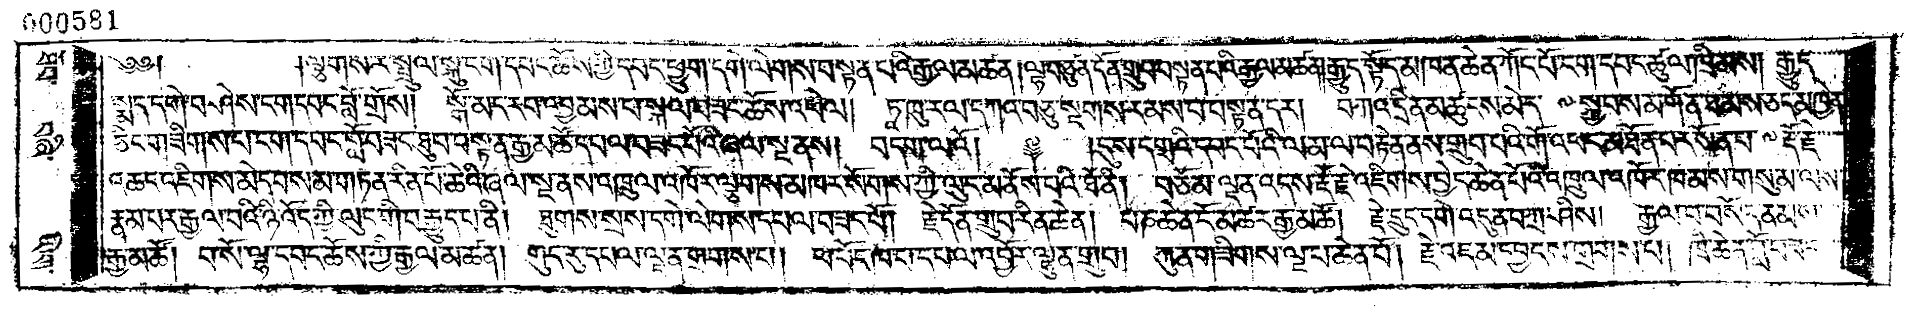༄༅། །ལྕགས་ར་སྤྲུལ་སྐུ་ངག་དབང་ཆོས་ཀྱི་དབང་ཕྱུག་དགེ་ལེགས་བསྟན་པའི་རྒྱལ་མཚན། ལྷ་བཙུན་དོན་གྲུབ་བསྟན་པའི་རྒྱལ་མཚན། རྒྱུད་སྟོད་མཁན་ཆེན་ཀོང་པོ་ངག་དབང་ཚུལ་ཁྲིམས། རྒྱུད་
སྨད་དགེ་བཤེས་ངག་དབང་བློ་གྲོས། སྒོ་མང་རབ་འབྱམས་པ་སྐལ་བཟང་ཆོས་འཕེལ། ཏཱ་ཁུ་རལ་དཀའ་བཅུ་སྔགས་རམས་པ་བསྟན་དར། བཀའ་དྲིན་མཚུངས་མེད ༧་སྐྱབས་མགོན་ཐམས་ཅད་མཁྱེན་
ཅིང་གཟིགས་པ་ངག་དབང་བློ་བཟང་ཐུབ་བསྟན་རྒྱ་མཚོ་དཔལ་བཟང་པོའི་ཞལ་སྔ་ནས། བདག་ལའོ། ༈ །དུས་དགྲའི་དབང་པོའི་ལམ་ལ་བརྟེན་ནས་གྲུབ་པའི་གོ་འཕང་མཐོན་པར་སྟོན་པ ༧་རྡོ་རྗེ་
འཆང་འཇིགས་མེད་བསམ་གཏན་རིན་པོ་ཆེའི་ཞལ་སྔ་ནས་འཁྲུལ་འཁོར་ལྕགས་མཁར་སོགས་ཀྱི་ལུང་མནོས་པའི་ཐོ་ནི། བཅོམ་ལྡན་འདས་རྡོ་རྗེ་འཇིགས་བྱེད་ཆེན་པོའི་འཁྲུལ་འཁོར་ཁམས་གསུམ་ལས་
རྣམ་པར་རྒྱལ་བའི་ཉི་འོད་ཀྱི་ལུང་གི་བརྒྱུད་པ་ནི། ཐུགས་སྲས་དགེ་ལེགས་དཔལ་བཟང་པོ། རྗེ་དོན་གྲུབ་རིན་ཆེན། པཎ་ཆེན་ངོ་མཚར་རྒྱ་མཚོ། རྗེ་དྲུང་དགེ་འདུན་བཀྲ་ཤིས། རྒྱལ་བ་བསོད་ནམས་
རྒྱ་མཚོ། བ་སོ་ལྷ་དབང་ཆོས་ཀྱི་རྒྱལ་མཚན། གུང་རུ་དཔལ་ལྡན་གྲགས་པ། ཕ་བོང་ཁ་པ་དཔལ་འབྱོར་ལྷུན་གྲུབ། ཀུན་གཟིགས་ལྔ་པ་ཆེན་པོ། རྗེ་འཇམ་དབྱངས་གྲགས་པ། ཁྲི་ཆེན་བློ་བཟང་